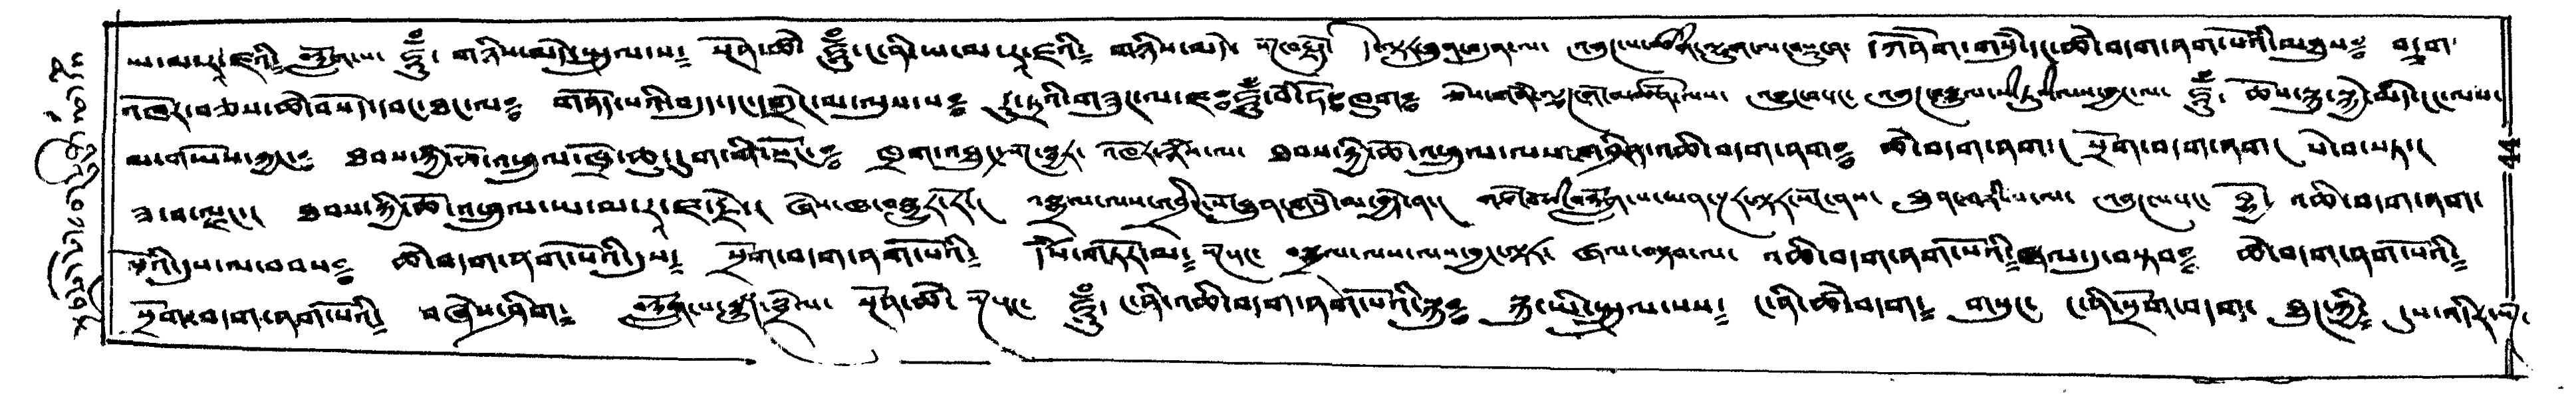ཡ་མ་རཱ་ཛའི༴ བཟློག་པ། ཧཱུྃ༔ གཉིས་མེད་སྤྲུལ་པ༴ སྔོན་ཚེ༴ ཧཱུྃ༔ ང་ནི་ཡ་མ་རཱ་ཛའི༴ གཉིས་མེད༴ སོགས་བརྗོད། དེ་ལྟར་ཐུན་བདུན་ལ་འགུགས་པ་ཚིག་ལྷུག་ལ་བསྡུ་ན། དཀོན་མཆོག་གསུམ་དང་ཚེ་བདག་ནག་པོའི་མཐུས༔ བདག་ཅག་
འཁོར་བཅས་ཚེ་བསོད་དབང་ཐང་ལ༔ གནོད་པའི་བདུད་དང་དགྲ་བགེགས་མ་ལུས་པ༔ རུ་ཏྲའི་གཟུགས་ལ་ཛ་ཧཱུྃ་བཾ་ཧོཿཁུག༔ ཅེས་གནམ་ལྕགས་གོ་མཚོན་ལས་བྱུང་བ་དང་། འགུགས་བསྐུལ་སི་ཏུའི་ལས་བྱང་ལས། ཧཱུྃ༔ ཆོས་སྐུ་སྐྱེ་མེད་ངང་ལས་
མ་གཡོས་ཀྱང༔ ཐབས་ཀྱི་ཆོ་འཕྲུལ་ཁྲོ་ཆུ་དུག་གི་སྡོང༔ ཁྲག་འཐུང་སོགས་སྦྱར། འཁོར་རྣམས་ལ། ཐབས་ཀྱི་ཆོ་འཕྲུལ་ལས་གཤིན་འཆི་བདག་ནག༔ ཚེ་བདག་ནག༔ སྲོག་བདག་ནག༔ བེ་བཱ་སཏྭ་ནག༔ 
ཟ་བ་ལྗང༔ ཐབས་ཀྱི་ཆོ་འཕྲུལ་ཡ་མ་རཱ་ཛ་རྗེ༔ ཞེས་ཁ་བསྒྱུར་རོ། བསྒྲལ་ལས་འབྲིང་པོ་ཐུན་གསུམ་མ་བྱེད་ན། གཙོ་བོའི་བཟློག་པ་ཡན་སྔར་ལྟར་སོང་ནས། ཐུན་གཉིས་པ་ལ། འགུགས་པ་དང་། བྷྱོ༔ འཆི་བདག་ནག་
པོའི་དུས་ལ་བབ༔ ཚེ་བདག་ནག་པོའི་དུས༴ སྲོག་བདག་ནག་པོའི༴ དམ་རྫས་གཏོར་མ༴ སོགས་དང་། བསྒྲལ་ལས་ལས་བྱང་ལྟར། ཞལ་བསྟབ་ལ། འཆི་བདག་ནག་པོའི་ཞལ་དུ་བསྟབ༔ ཚེ་བདག་ནག་པོའི༴ 
སྲོག་བདག་ནག་པོའི༴ བཞེས་ཤིག༴ བཟློག་པ་སྐུ་གསུང་ཐུགས་སྦྲེལ། སྔོན་ཚེ༴ སོགས་དང་། ཧཱུྃ༔ ང་ནི་འཆི་བདག་ནག་པོའི་སྐུ༔ སྐུ་ཡི་སྤྲུལ་པས༴ ང་ནི་ཚེ་བདག༴ གསུང་། ང་ནི་སྲོག་བདག ཐུགས་ཀྱི༴ དུས་འདིར་སོགས་